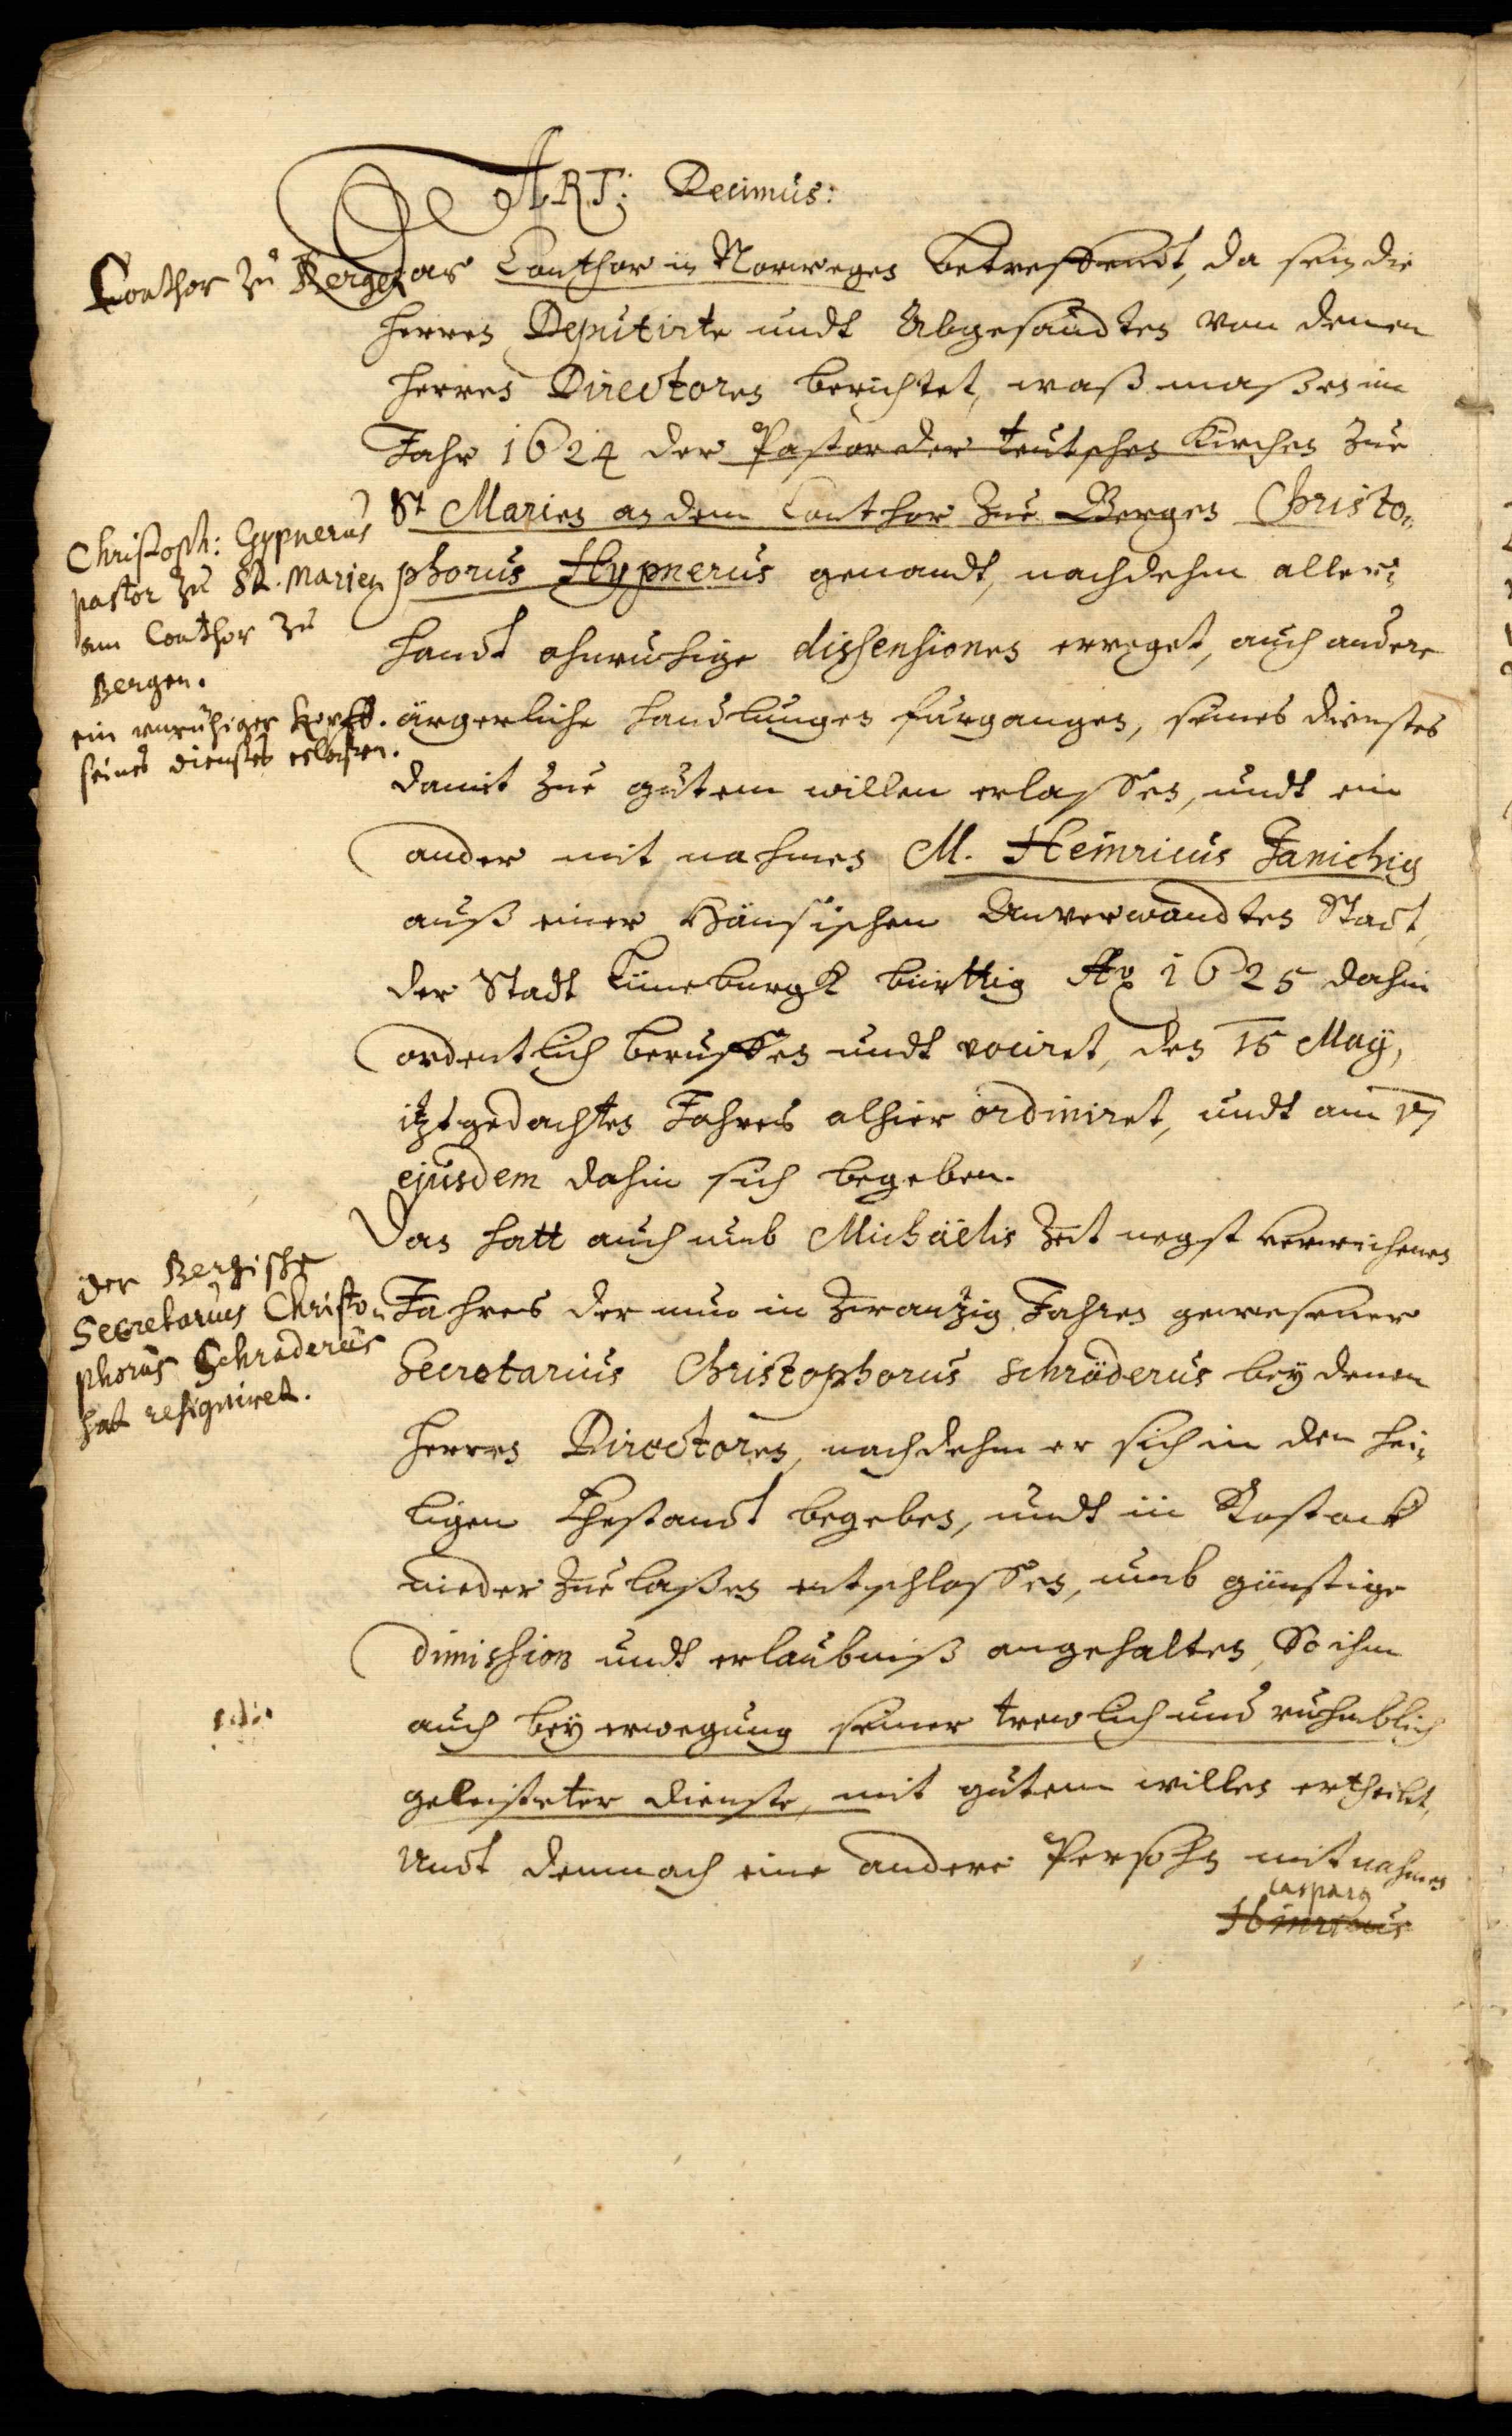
Conthor Zu Bergen
Christoph: Hypnerus
pastor Zu St. Marien
am Conthor zu
Bergen.
ein vnguhiger kerff.
seines dienstes erlaßen.
Art: Decimus:
Das Conthor in Norwegen betreffendt, da sein die
herren Deputirte undt Abgesandten von denen
herren Directoren berichtet, waß maßen im
Jahr 1624 der Pastor der teutschen Kirchen zue
St. Marien an dem Canthor zue Bergen Christo¬
phorus Hypnerus genandt, nachdehm aller¬
handt ohnruhige dissensionen erreget, auch andere
ärgerliche handlungen furgangen, seines dienstes
damit zue gutem willen erlassen, undt ein
ander mit nahmen M. Heinricus Ianichig
auß einer Hänsischen Anverwandten Stadt,
der Stadt Lüneburgk bürttig Ao 1625 dahin
ordentlich beruffen undt vociret, den 15 Maij
izt gedachten Jahres alhier ordiniret, undt am 17
ejusdem dahin sich begeben.
der Bergische
Secretarius Christo¬
phorus Schraderus
hat resigniret
Dan hatt auch umb Michaelis Zeit negst verwichenen
Iahres der nun in zwanzig Jahren gewesener
Secratarius Christophorus Schröderus beij denen
herren Directoren, nachdehm er sich in den hei¬
ligen Ehestandt begeben, undt in Rostock
nieder zue laßen entschlossen, umb günstige
dimission undt erlaubniß angehalten, so ihm
auch beij erwegung seiner trewlich und ruehmblich
geleisteter dienste, mit gutem willen ertheilet,
undt demnach eine andere Persohn mit nahmen
Casparen
Hinricus
